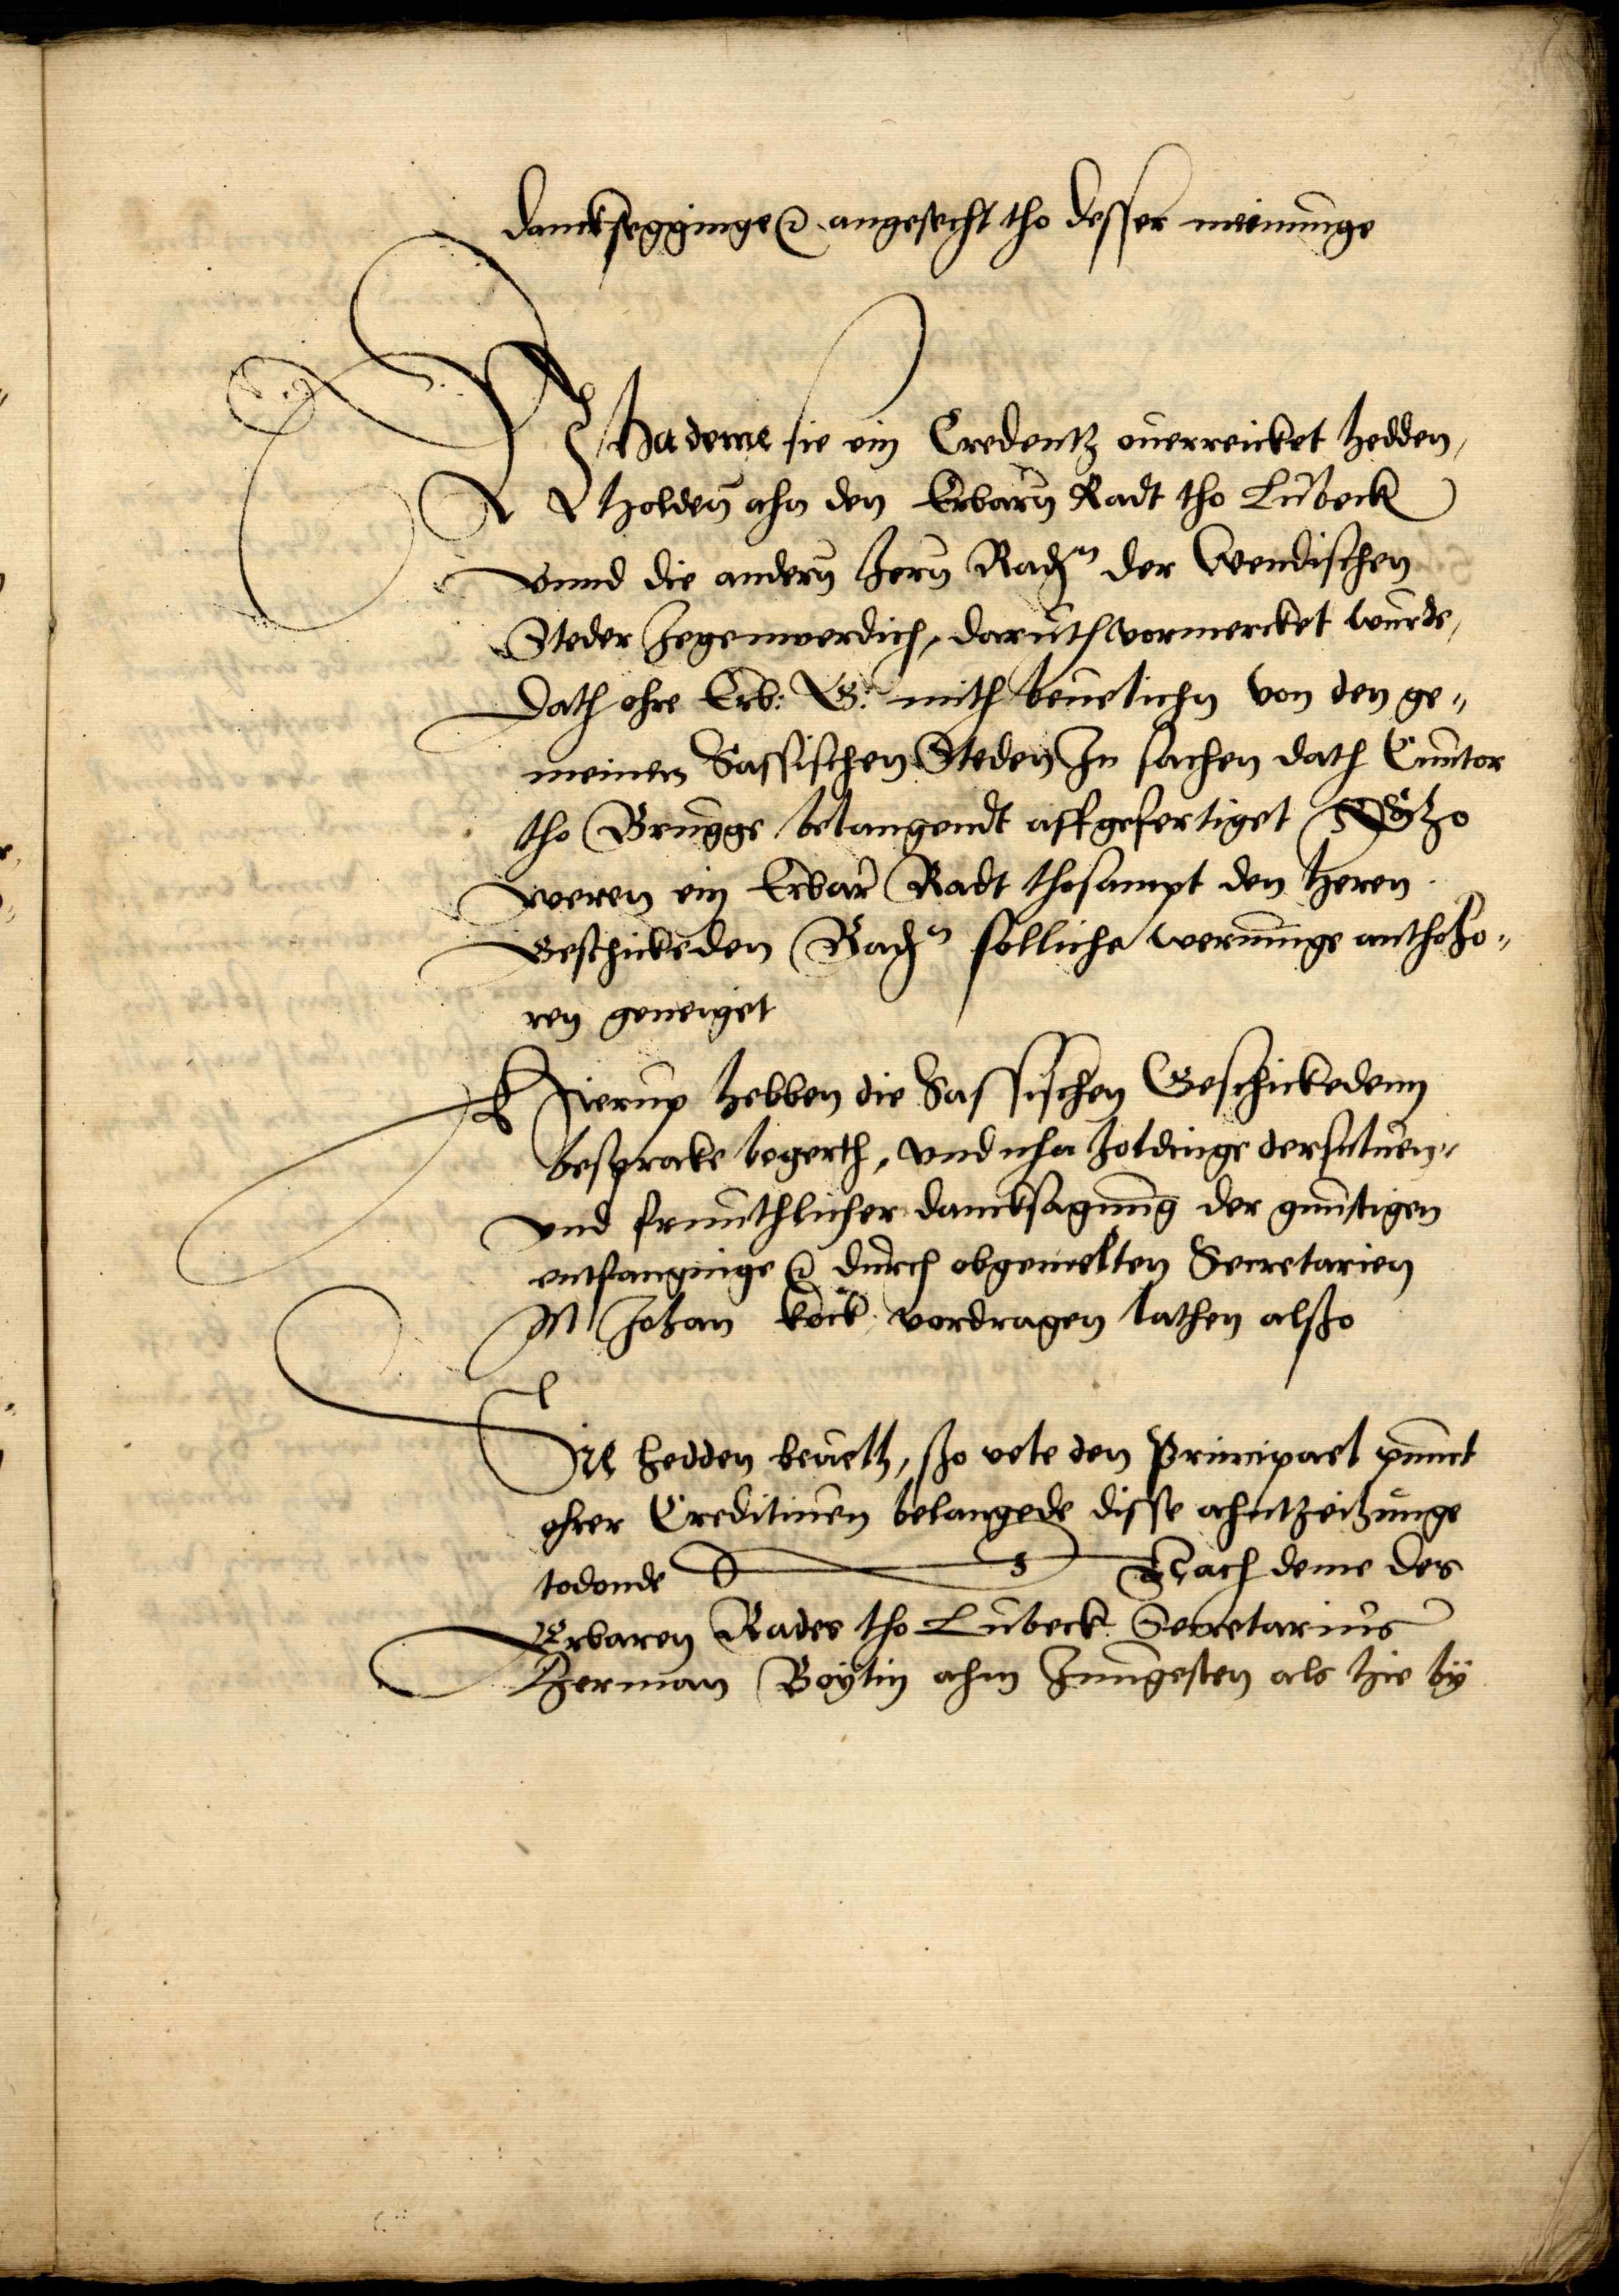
dancksegginge etc angesecht tho desser meinunge
Nha deme sie ein Credentz ouerreicket hedden,
holden ahn den Erbarn Radt tho Lubeck
vnnd die andern hern Radessendeboden der Wendischen
Steder Iegenwerdich, daruth vormercket wurde,
Dath ohre Erb: w: mith beuelichn von den ge¬
meinen Sassischen Steden In sachen dath Cuntor
tho Brugge belangendt affgefertiget Szo
weren ein Erbar Radt thosampt den heren
Geschickeden Radessendeboden solliche werunnge anthoho¬
ren geneiget
Hierup hebben die Sassischen Geschickedenn
besprake begerth, vnd nha holdings dersuluen¬
vnd frunthlicher dancksagung der gunstigen
entfangings etc durch obgemelten Secretarien
M Iohan Kock vordragen lathen alßo
Sie hedden beuelh, szo vele den Principael punnct
ohrer Creditiuen belangede disse ahntzeihunge
todonde Nach deme des
Erbaren Rades tho Lubeck Secretarius
Herman Boijtin ahm Iungesten als hie bij
